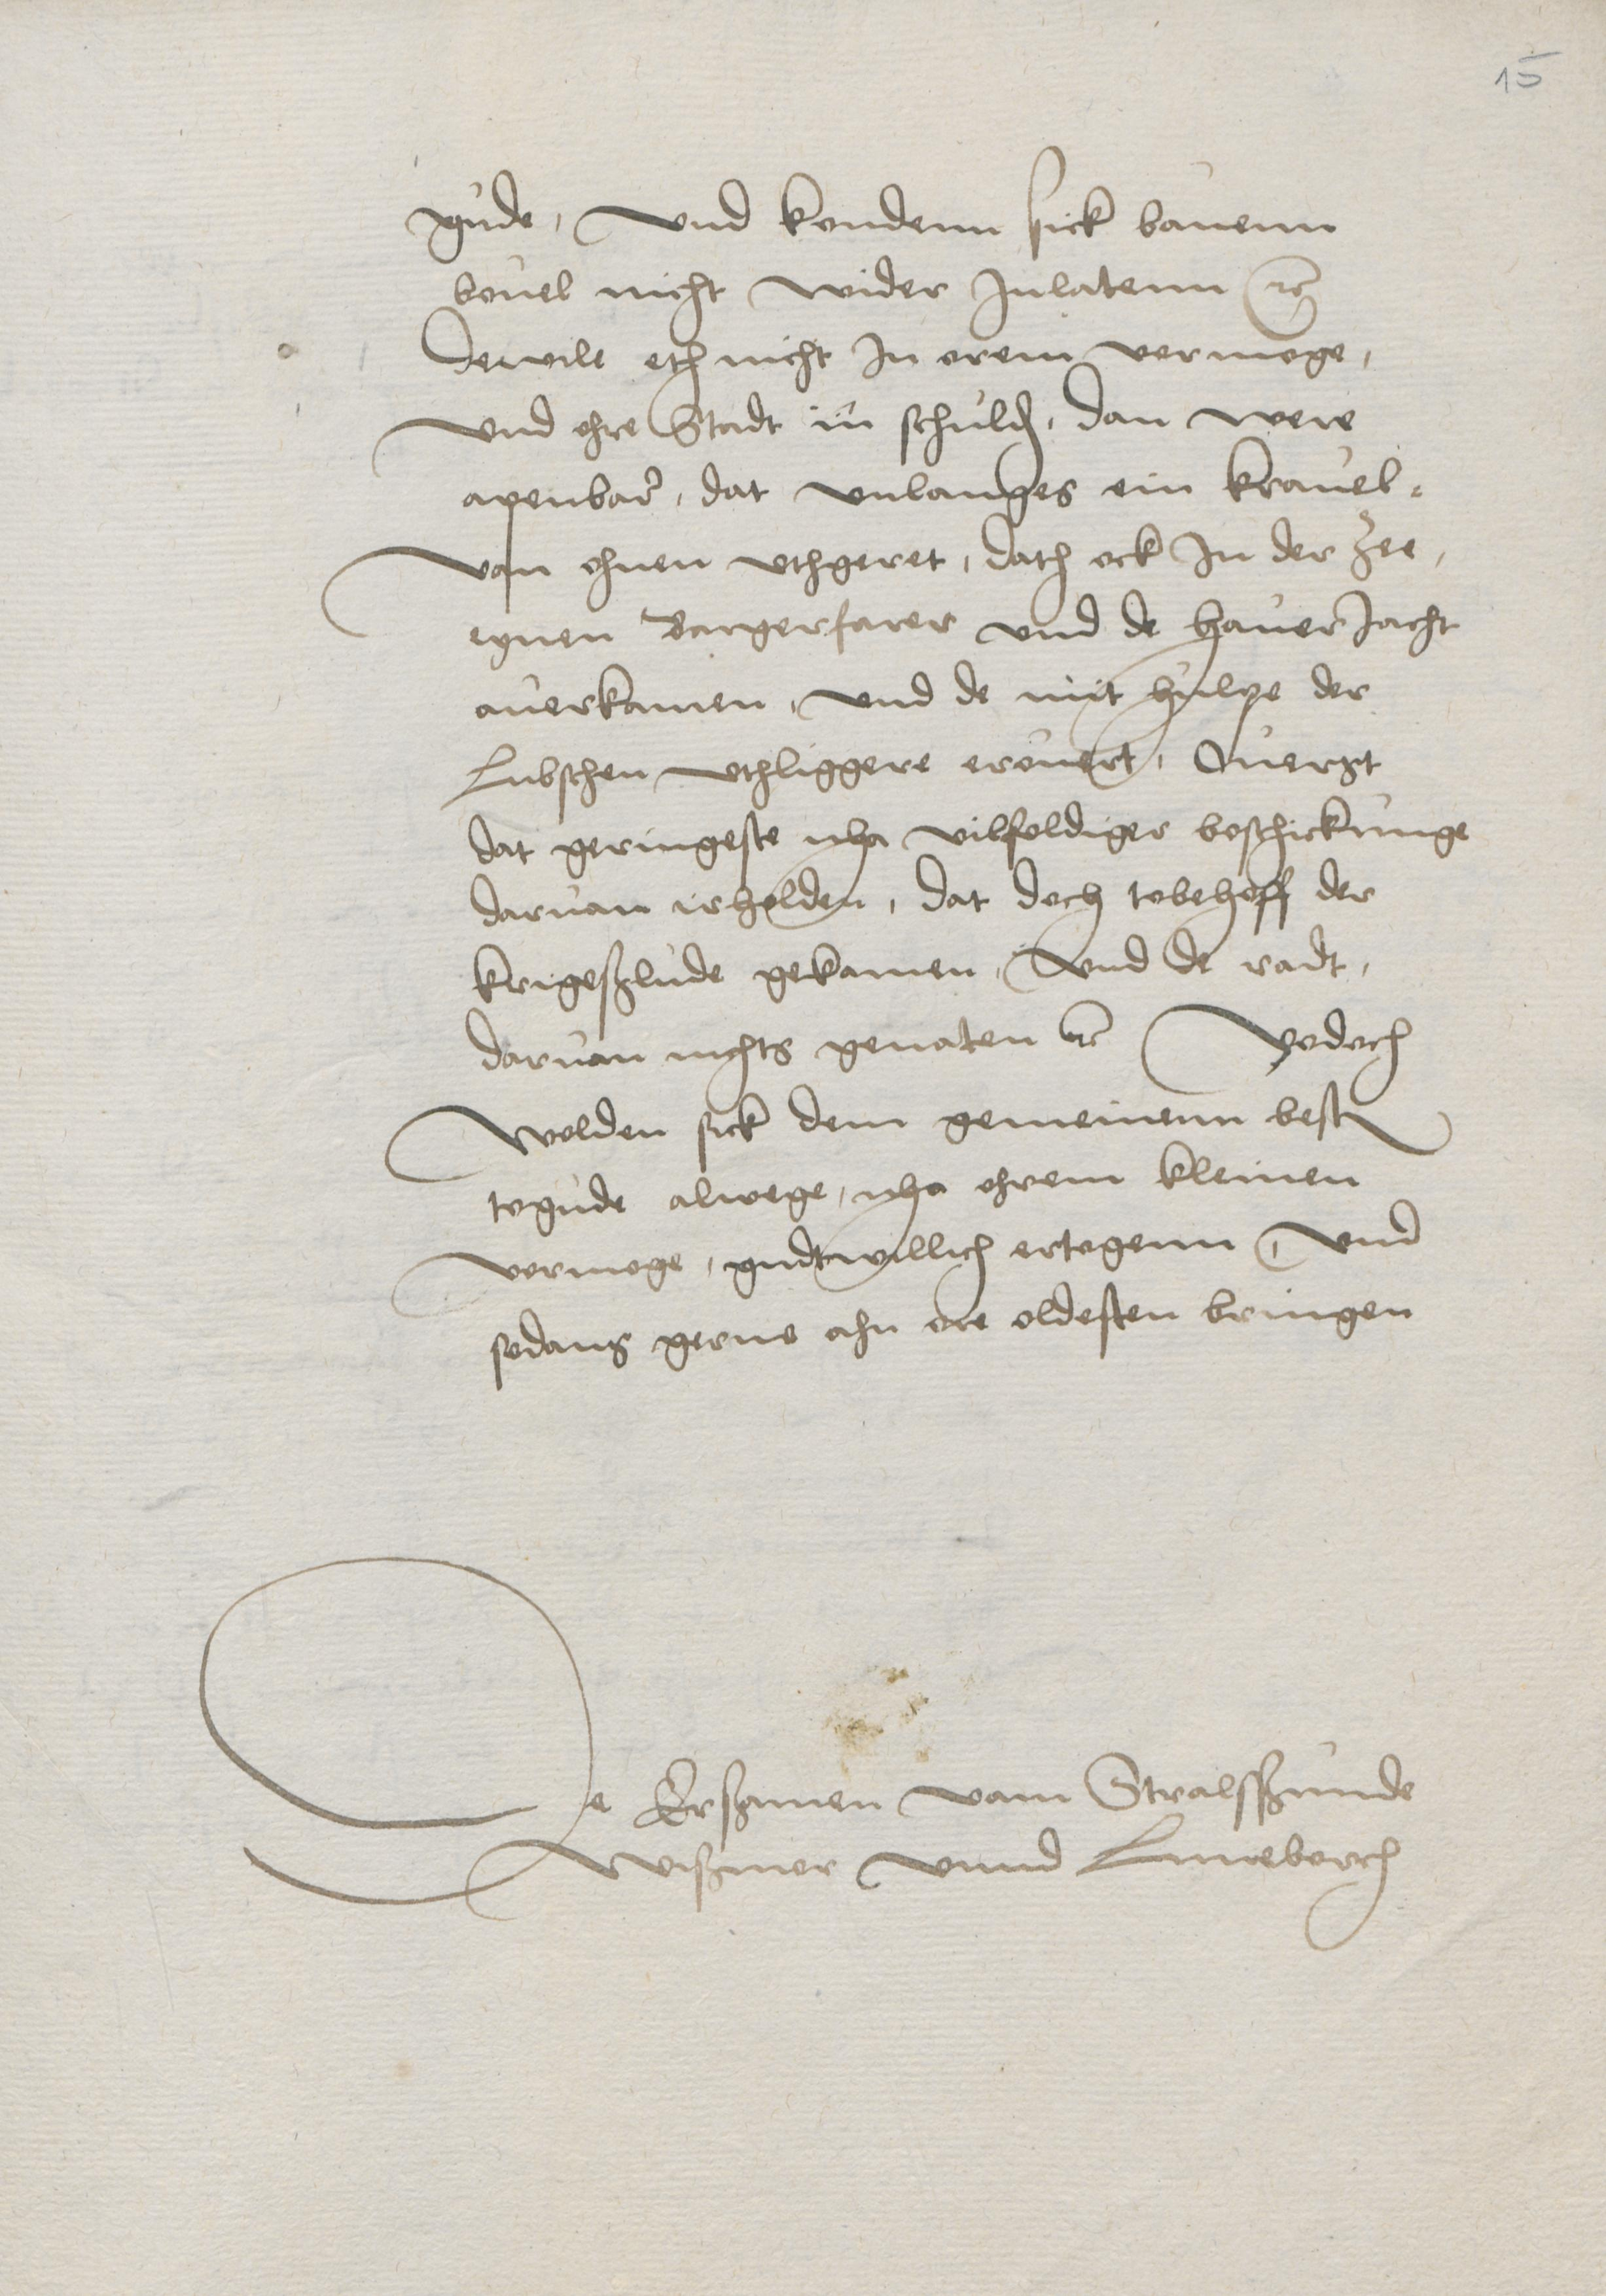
gude, vnd kondenn sick bauenn
beuel nicht wider Jnlatenn etc
dewile eth nicht Jn erem vermoge,
vnd ehre Stadt in schulden, dan were
openbar, dat vnlanges ein krauel,
van ehnen vthgeret, dath ock Jn der zee,
eynen Bergerfarer vnd de hauerJacht
auerkamen, vnd de mit hulpe der
Lubschen uthliggere erouert, ouerst
dat geringeste nha vilfoldiger beschickunge
daruan irholden, dat doch tobehoff der
krigeßlude gekamen, vnd de radt,
daruan nichts genaten etc yedoch
wolden sick dem gemeinenn besten
togude alwege, nha ehrem kleinen
vermoge, gudtwillich ertogenn, vnd
sodans gerne ahn ere eldesten bringen
De Erßamen vam Stralsßunde
Wißmer vnnd Luneborch
